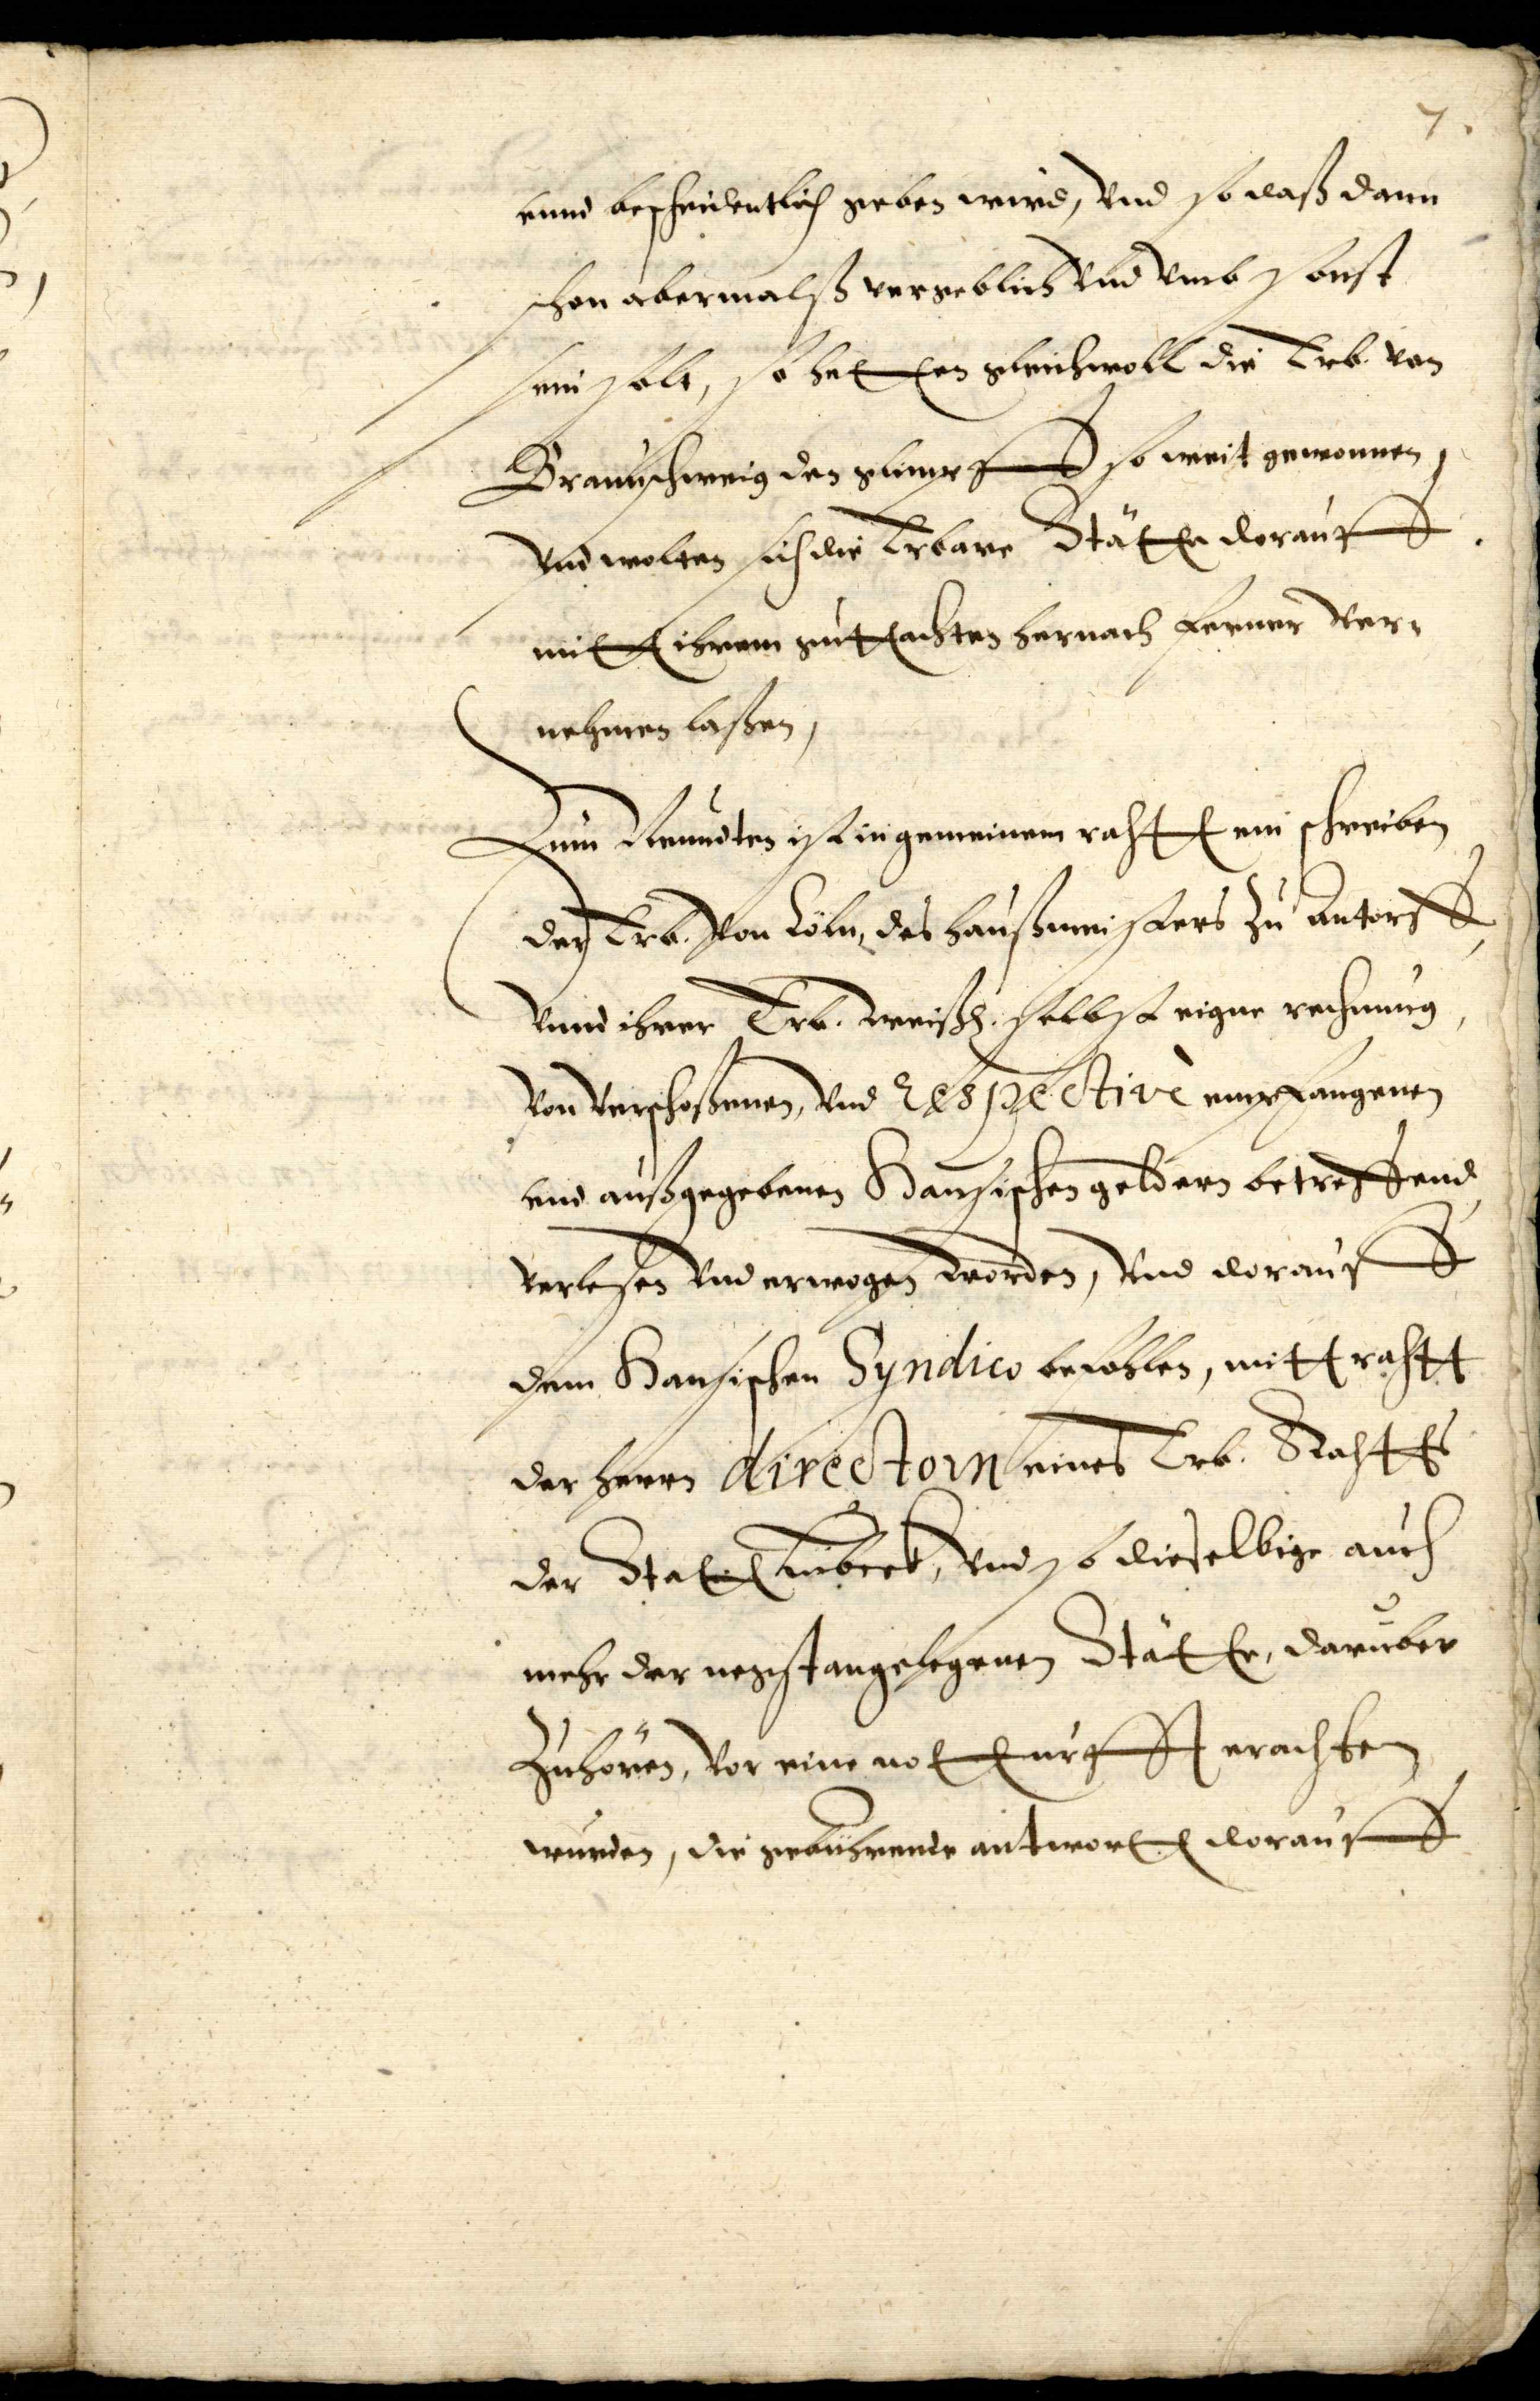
7.
vnnd bescheidentlich geben wird, vnd so daß dann
schon abermalß vergeblich vnd vmbsonst
sein solt, so hetten gleichwoll die Erb. von
Braunschweig den glimpff so weit genommen,
vnd wolten sich die Erbare Stätte dorauff
mitt ihrem guttachten hernach ferner ver¬
nehmen laßen,
Zum Neundten ist in gemeinem rahtt ein schreiben
der Erb. von Cöln, des haußmeisters zu Antorff,
vnnd ihrer Erb. weißen selbst eigne rechnung,
von verschoßenen, vnd respective empfangenen
vnd außgegebenen Hansischen geldern betreffend
verlesen vnd erwogen worden, vnd dorauff
dem Hansischen Sydico befohlen, mitt rahtt
der herrn directorn eines Erb. Rahtts
der Statt Lubeck, vnd so dieselbige auch
mehr der negstangelegenen Stätte, darüber
zuhören, vor eine notturfft erachten
wurden, die gebührende antwortt dorauff
